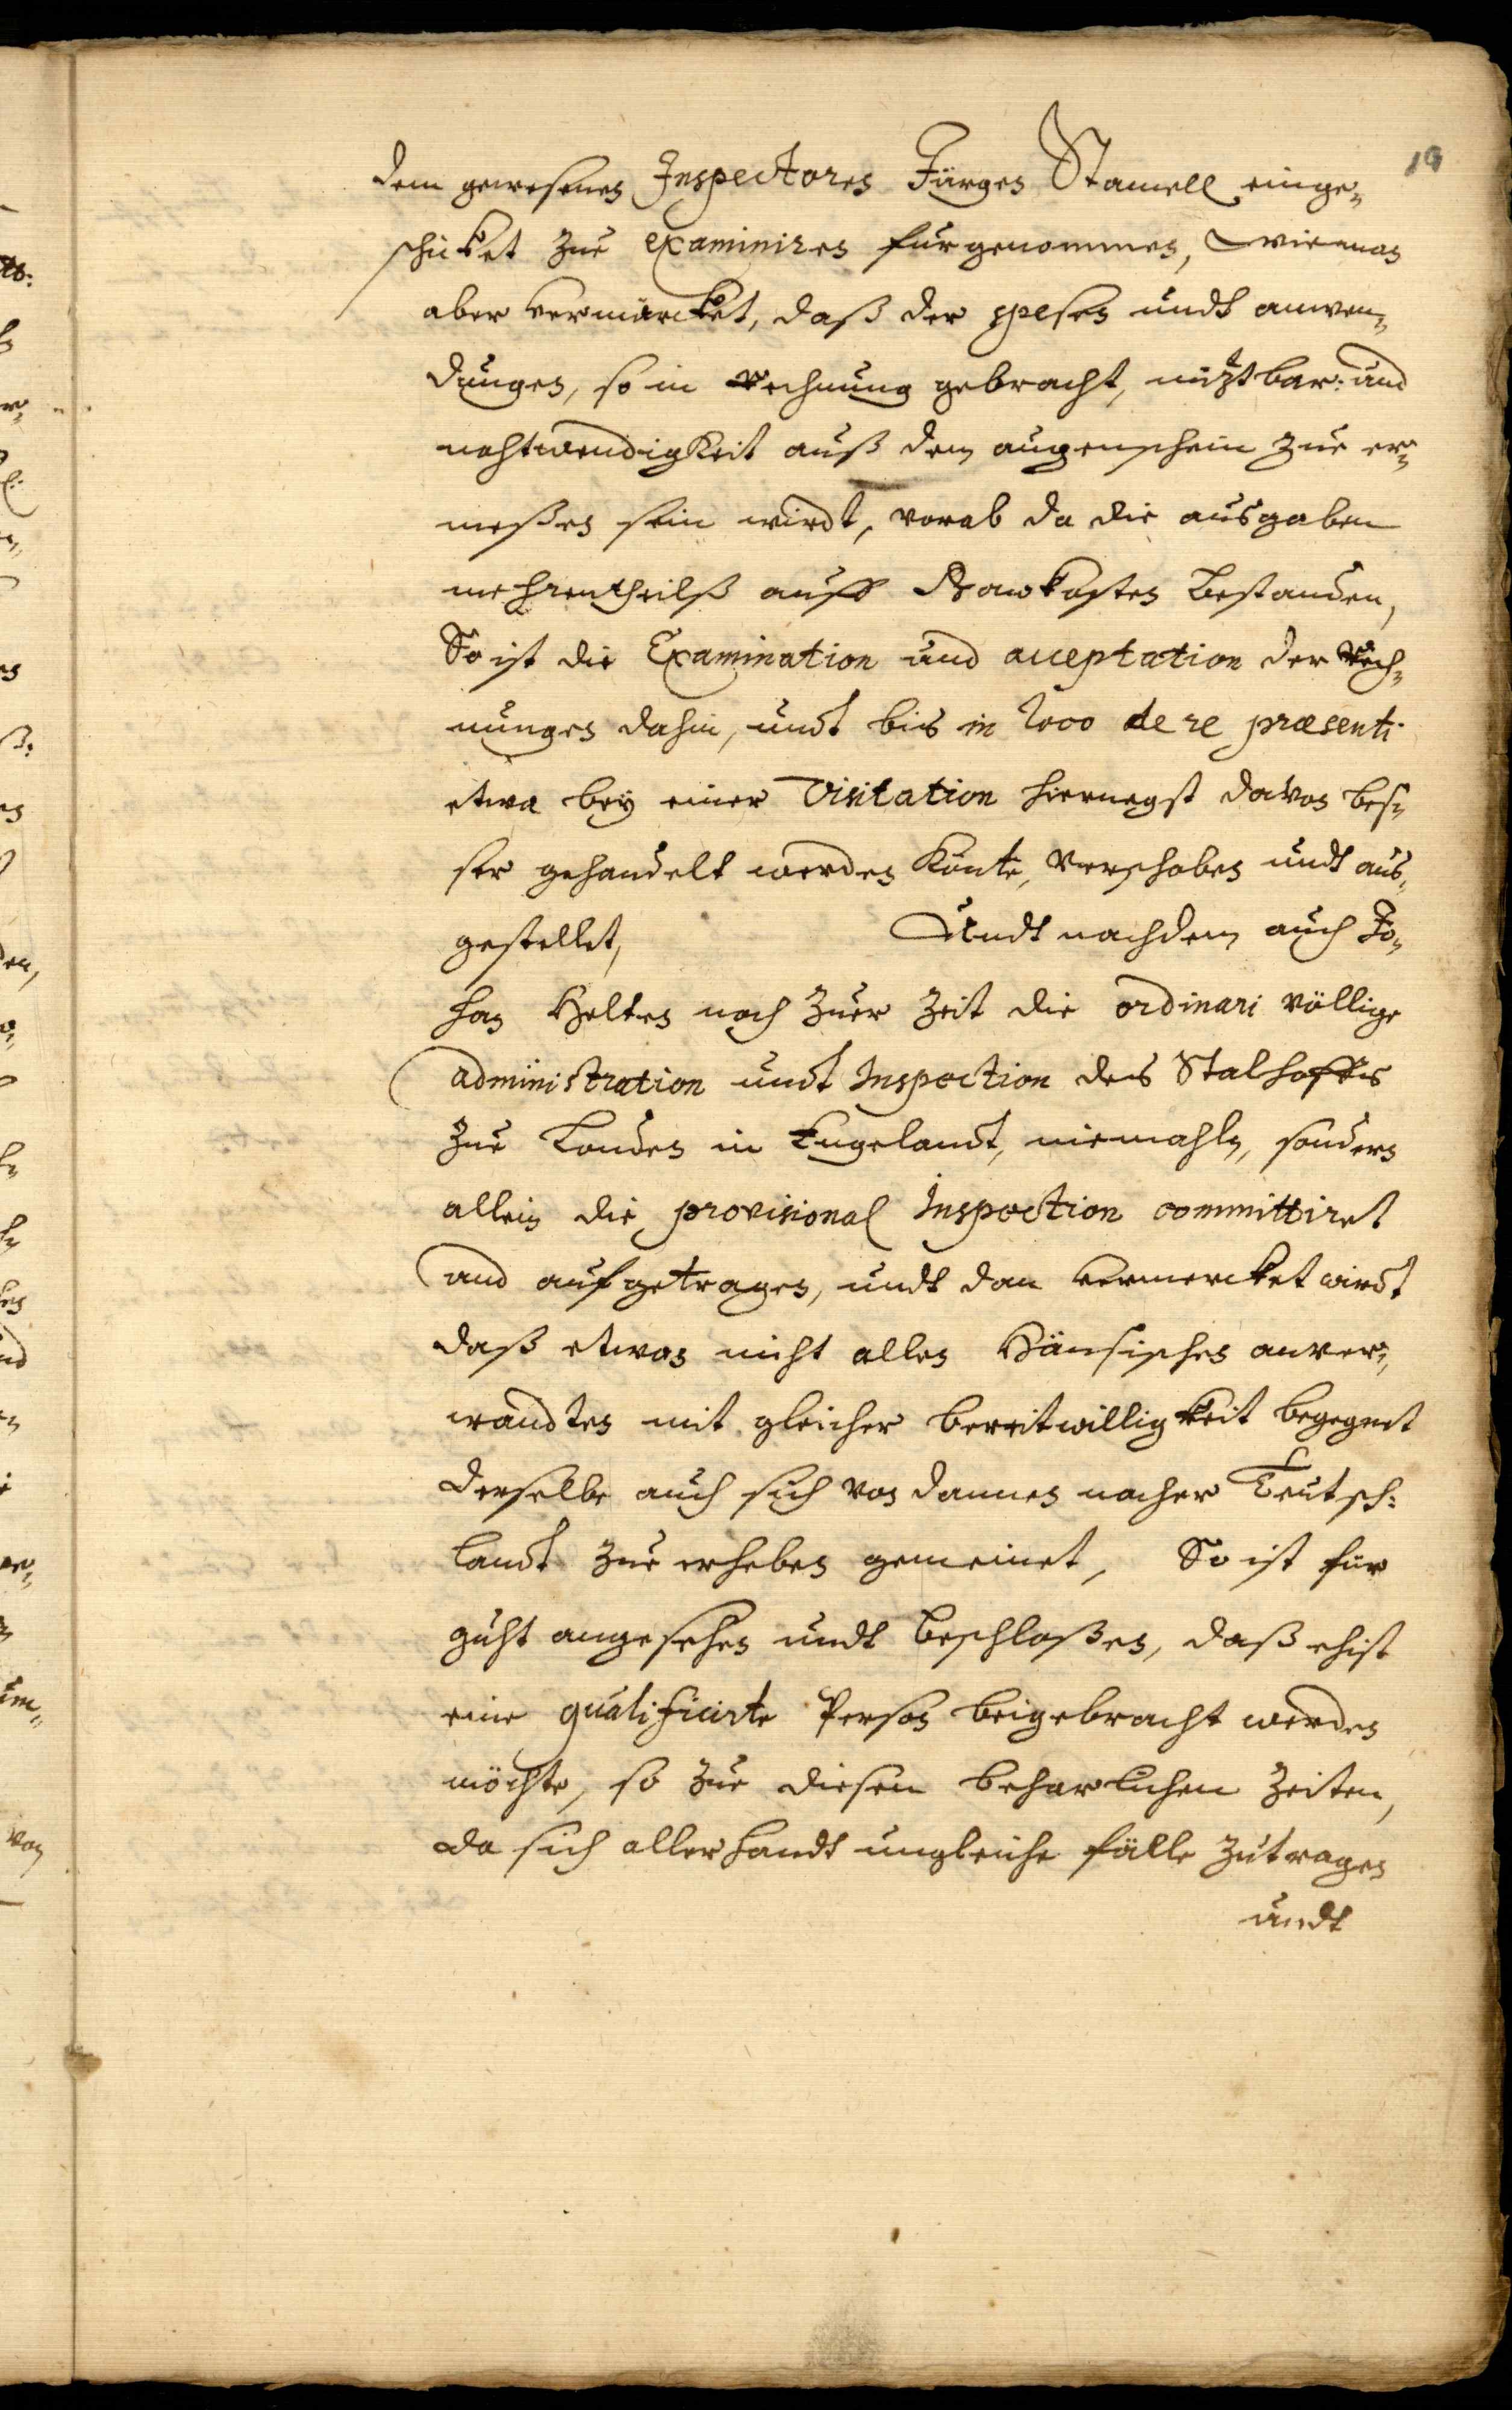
19
dem gewesenen Inspectoren Iürgen Stamell einge¬
schicket zue examiniren furgenommen, wie man
aber vermärcket, daß der spesen undt anwen¬
dungen, so in Rechnung gebracht, nütztbar: und
nohtwendigkeit auß dem augenschein zue er¬
meßen sein wirdt, vorab da die ausgaben
mehrentheilß auff Bawkosten bestanden,
So ist die Examination und acceptation der Rech¬
nungen dahin, undt bis in loco de re praesenti
etwa beij einer Visitation hiernegst davon bes¬
ser gehandelt werden könte, verschoben undt aus¬
gestellet, Undt nachdem auch Io¬
han Helten noch zuer zeit die ordinari völlige
administration undt Inspection des Stalhoffs
zue Londen in Engelandt, niemahl, sondern
allein die provisional Inspection committiret
und aufgetragen, undt dan vermercket wirdt
daß etwan nicht allen Hänsischen anver¬
wandten mit gleicher bereitwilligkeit begegnet
derselbe auch sich von dannen nacher Teutsch¬
landt zue erheben gemeinet, So ist für
guht angesehen undt beschloßen, daß ehist
eine qualificirte Person beigebracht werden
möchte, so zue diesen beharlichen zeiten,
da sich allerhandt ungleiche fälle zutragen
undt
